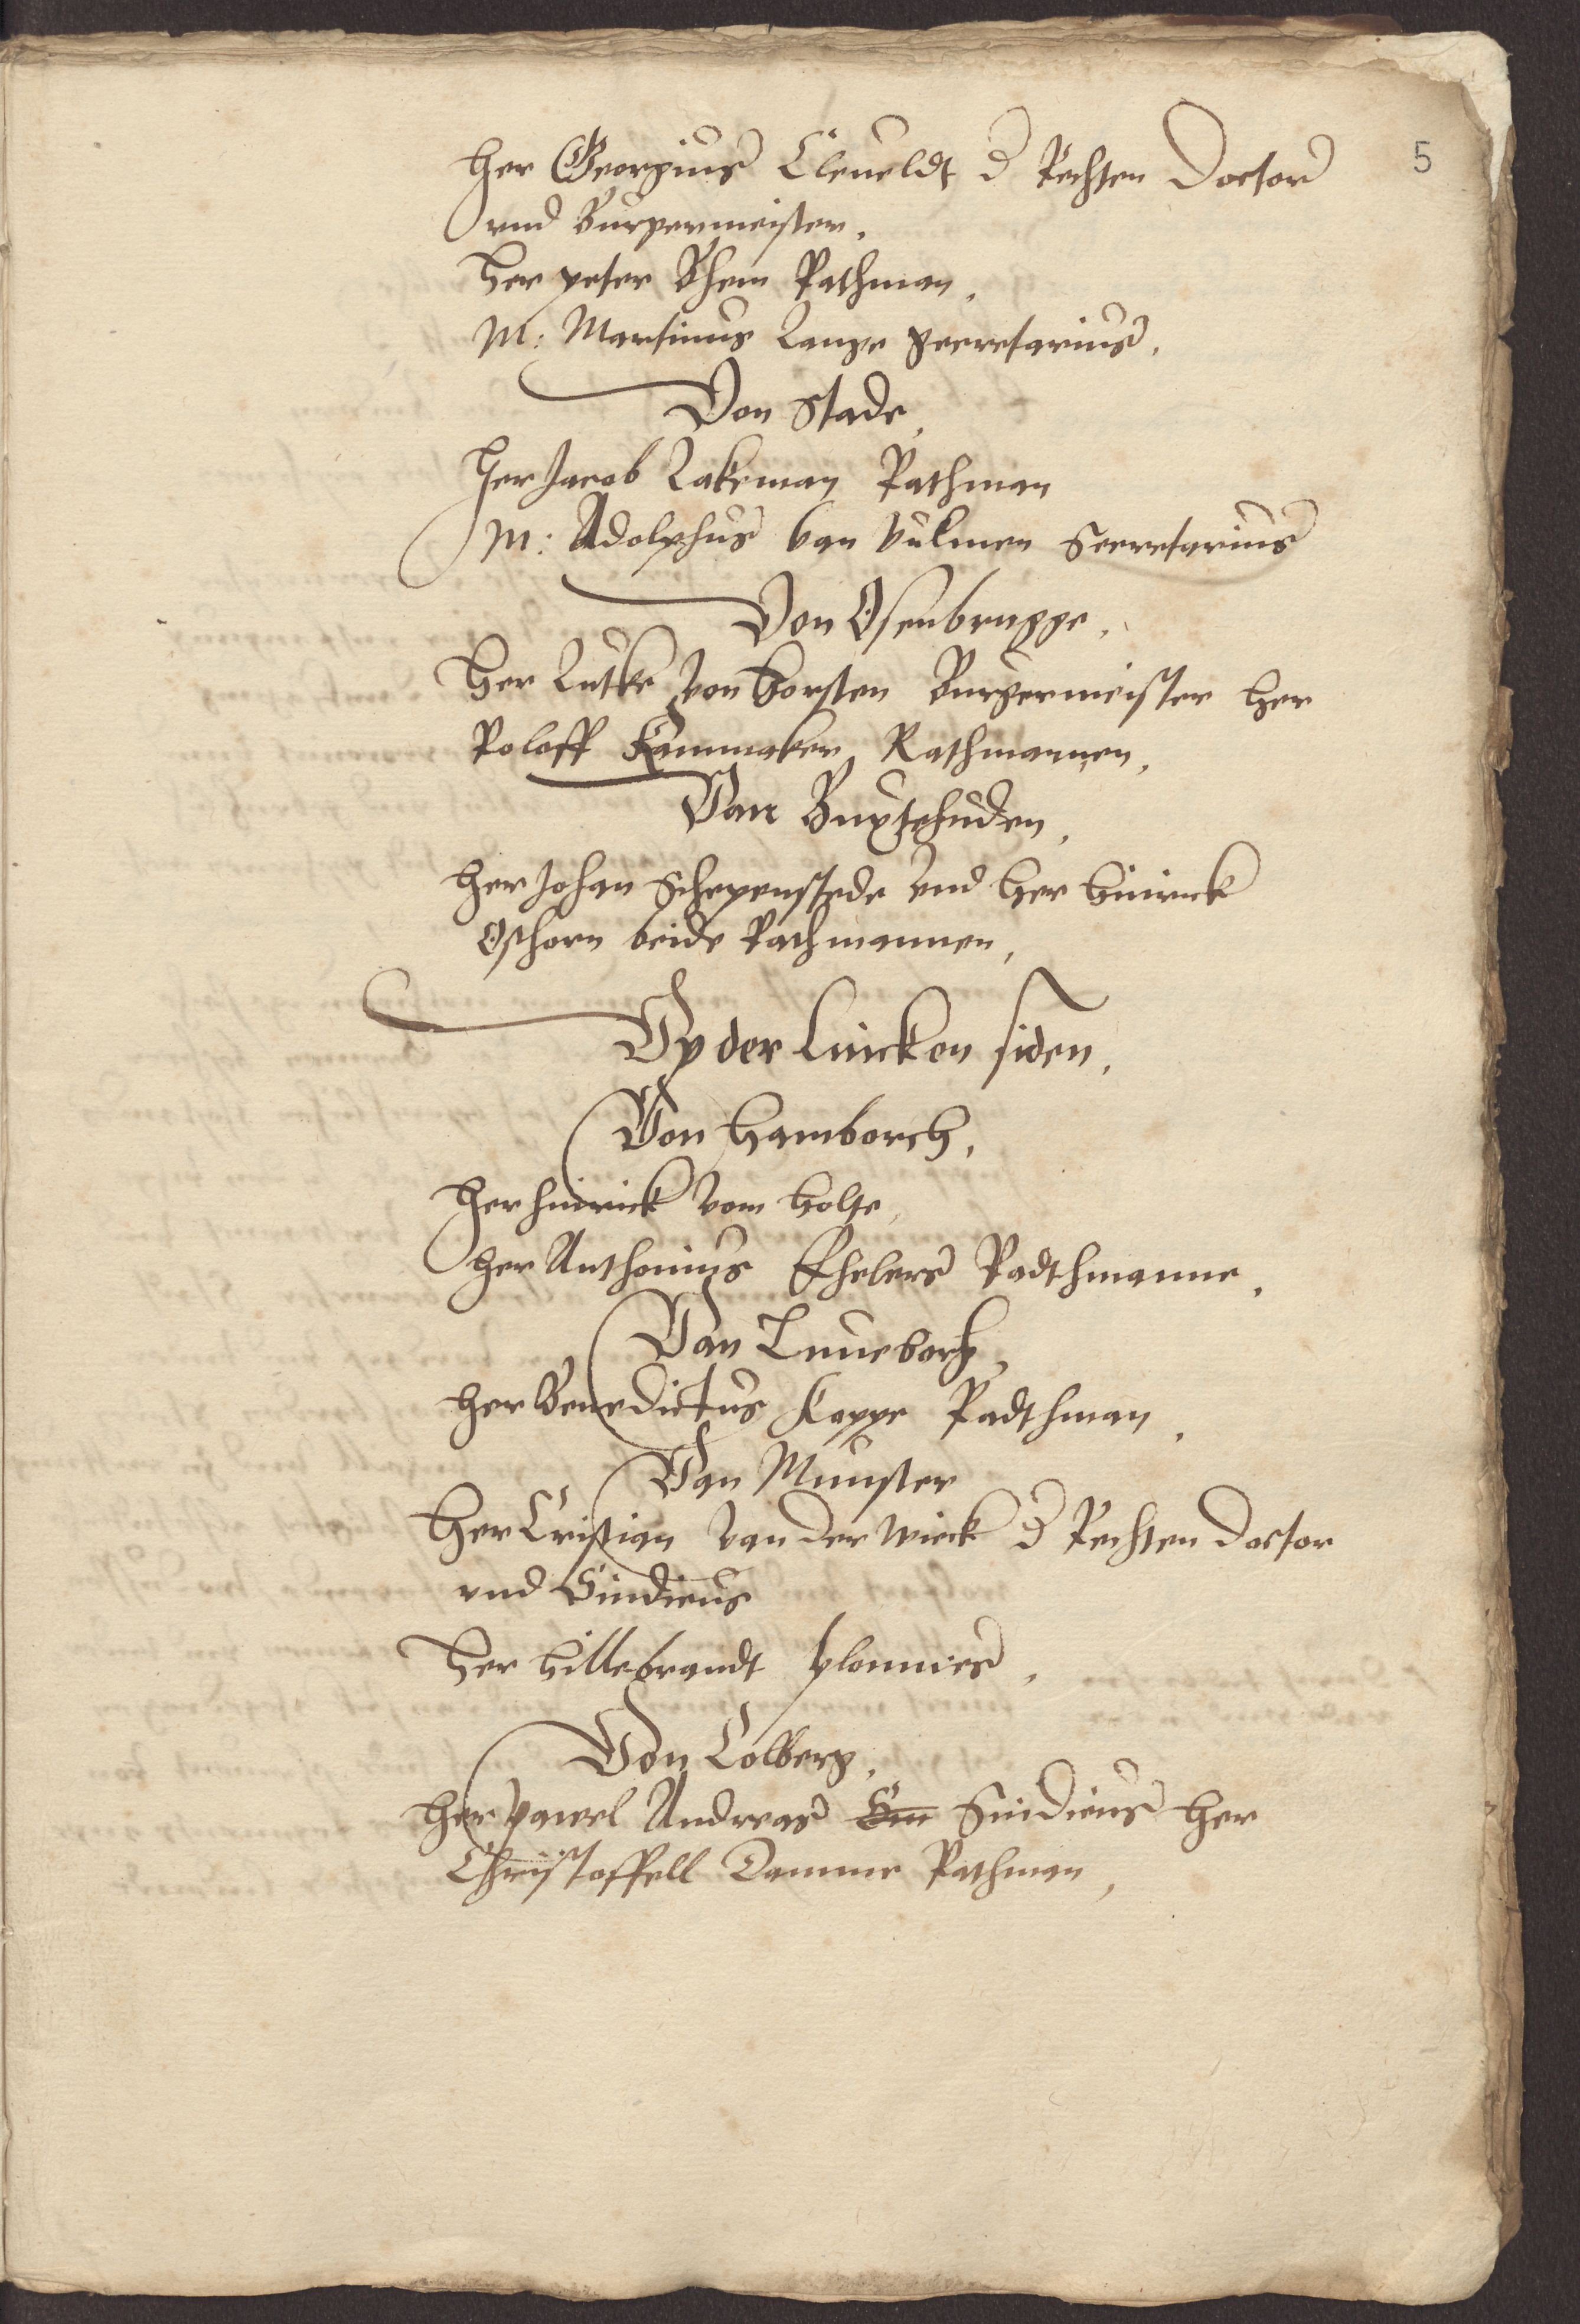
Her Georgius Cleueldt der Rechten Doctor
vnd Burgermeister,
Her Peter Bhem Rathman,
M: Martinus Lange Secretarius.
Von Stade,
Her Jacob Lakeman Rathman
M: Adolphus van Vulmen Secretarius
Von Osenbrugge
Her Lutke von Horsten Burgermeister Her
Roloff Kammaker Rathmannen,
Von Buxtehuden,
Her Johan Schepenstede Vnd Her Hinrick
Oschorn beide Rathmannen,
Vp der Lincken siden,
Von Hamborch,
Her Hinrick vom Holte
her Anthonius Ehelers Radthmanne,
Van Luneborg
Her Benedictus Koppe Radthman,
Van Munster
Her Cristian van der Wieck der Rechten Doctor
vnd Sindicus
Her Hillebrandt Plonnies,
Von Colberg,
Her Pawel Andreas hin Sindicus Her
Christoffel Damme Rathman,
